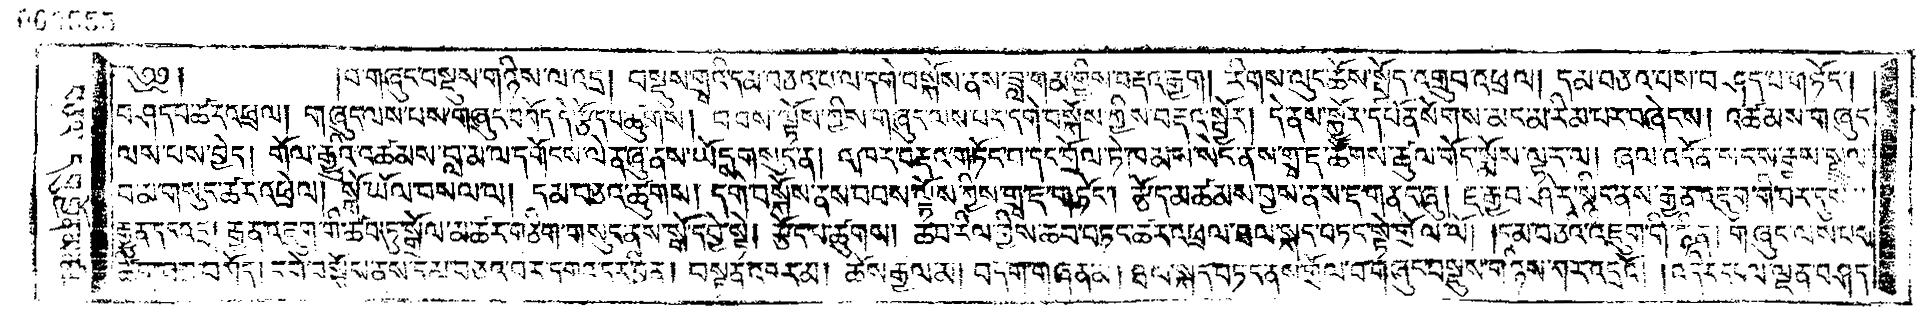༄༅། །བ་གཞུང་བསྡུས་གཉིས་ལ་འདྲ། བསྡུས་གྲྭའི་དམ་བཅའ་པ་ལ་དགེ་བསྐོས་ནས་ཟླ་གམ་གྱིས་བརྡའ་རྒྱག །རིགས་ལུང་ཆོས་སྤྱོད་འགྲུབ་འཕྲལ། དམ་བཅའ་པས་བཤད་པ་གཏོང་།
བཤད་པ་ཚར་འཕྲལ། གཞུང་ལས་པས་གཞུང་བཀོད་དེ་རྩོད་པ་ཚུགས། བབས་ལྟོས་ཀྱིས་གཞུང་ལས་པར་དགེ་བསྐོས་ཀྱིས་བརྡའ་སྦྱོར། དེ་ནས་སྐྱོར་དཔོན་སོགས་མང་མ་རིམ་པར་བཞེངས། འཚམས་གཞུང་
ལས་པས་བྱེད། གོལ་རྒྱུའི་འཚམས་བླ་མ་ལ་དགོངས་ལེན་ཞུ་ནས་ཡོངས་གསུང་ན། འཁར་བརྡའ་གཏོང་བ་དང་གྲོལ་ཏེ་ཁམས་སེང་ནས་གྲྭ་ཇ་ཚོགས་ཚུལ་གོང་སྨོས་ལྟར་ལ། ཞལ་འདོན་སངས་རྒྱས་སྤྲུལ་
བ་མ་གསུང་ཚར་འཕྲེལ། སྒོ་ཡོལ་བསལ་ལ། དམ་བཅའ་ཚུགས། དགེ་བསྐོས་ནས་བབས་ལྟོས་ཀྱིས་གྲྭ་ཇ་གཏོང་། རྩོད་མཚམས་བྱས་ནས་ཇ་གནང་ཞུ། ཇ་རྒྱབ་ཤེར་སྙིང་ནས་རྒྱན་འཇུག་གི་བར་དུས་
རྒྱུན་དང་འདྲ། རྒྱན་འཇུག་གི་ཚབ་ཏུ་སྒྲོལ་མ་ཚར་གཅིག་གསུང་ནས་སྒོ་དབྱེ་སྟེ། རྩོད་པ་ཚུགས། ཆབ་རིལ་གྱིས་ཆབ་བཏང་ཚར་འཕྲལ་ཐལ་སྐད་བཏང་སྟེ་གྲོལ་ལོ། །དམ་བཅའི་འཇུག་གི་ཉིན། གཞུང་ལས་པས་
ཚིག་བཀྲ་བཀོད། དགེ་བསྐོས་ནས་དམ་བཅའ་བར་དགའ་དར་བྱིན། བསྟན་འབར་མ། ཆོས་རྒྱལ་མ། བདག་གཞན་མ། ཐལ་སྐད་བཏང་ནས་གྲོལ་བ་གཞུང་བསྡུས་གཉིས་ཀར་འདྲའོ། །འདིར་དཔལ་ལྡན་བཤད་